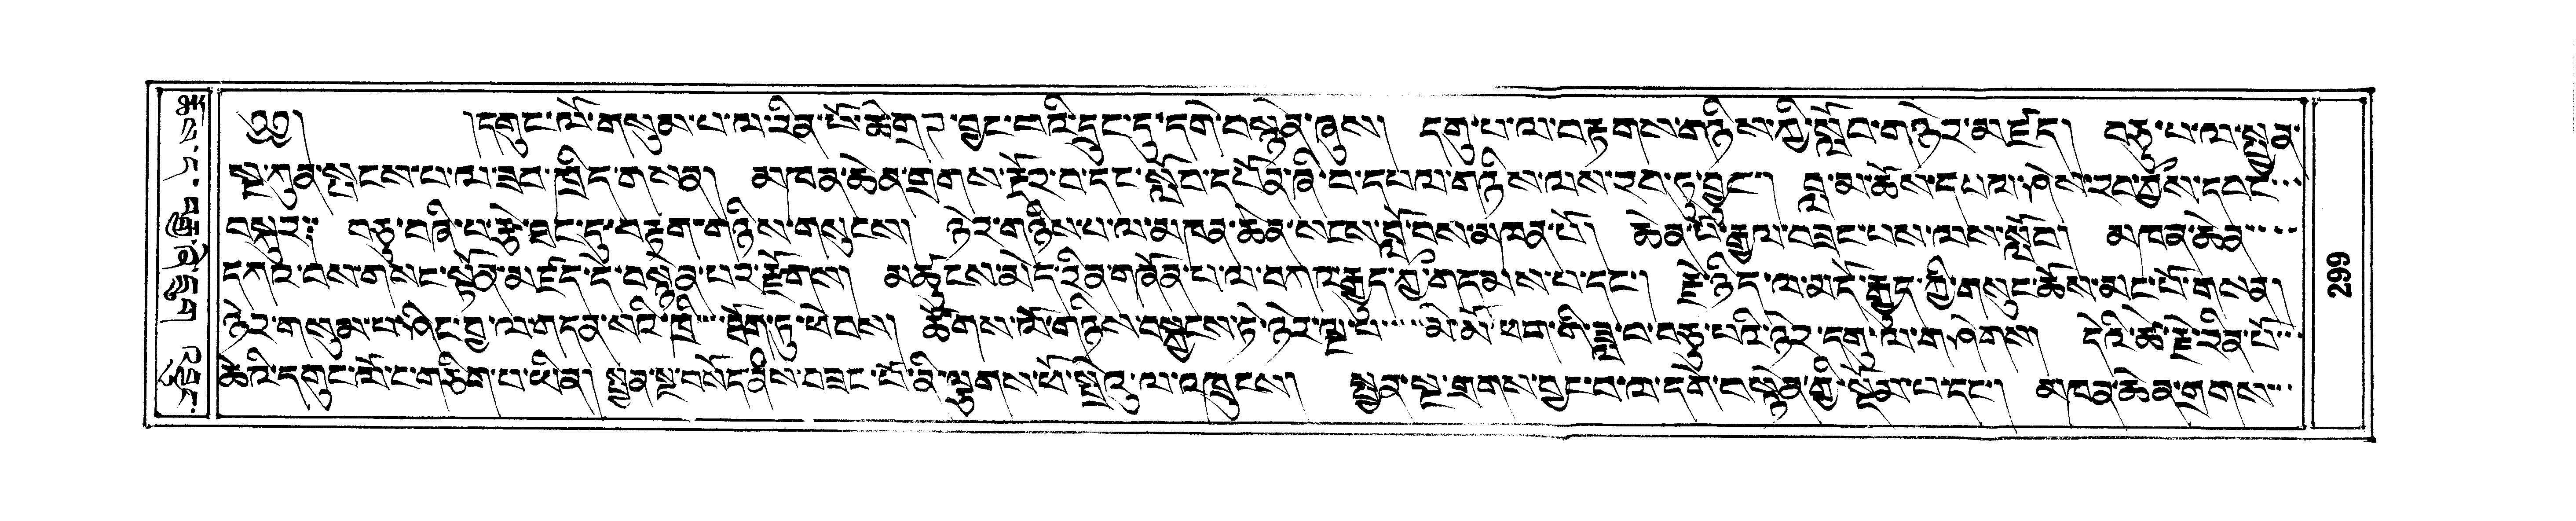༄༅། །དགུང་ལོ་གསུམ་པ་ལ་རིན་པོ་ཆེ་གྲཌ་བྱང་བའི་དྲུང་དུ་དགེ་བསྙེན་ཞུས། དགུ་པ་ལ་བརྟགས་གཉིས་ཀྱི་སློབ་གཉེར་མཛད། བཅུ་པ་ལ་སྤྱན་
སྔ་ཀུན་སྤངས་པ་ལ་ཟབ་ཁྲིད་གསན། མཁན་ཆེན་གྲགས་རྡོར་བ་དང་སློབ་དཔོན་ཞི་བ་དཔལ་གཉིས་ལས་རབ་ཏུ་བྱུང་། བླ་མ་ཆོས་དཔལ་ཤེས་རབ་ཀྱྀས་དབང་
བསྐུར༑ བཅུ་བཞི་པ་རྩེ་ཐང་དུ་བརྟག་གཉིས་གསུངས། ཉེར་གཉིས་པ་ལ་མཁན་ཆེན་སངས་བློ་བས་མཁན་པོ། ཆེན་པོ་རྒྱལ་བཟང་པས་ལས་སློབ། མཁན་ཆེན་
དཀའ་བས་གསང་སྟོན་མཛད་དེ་བསྙེན་པར་རྫོགས། མཚུངས་མེད་རིན་གཞོན་པ་ལ་བཀའ་རྒྱུད་ཀྱྀ་གདམས་པ་དང་། རྗེ་ཉིད་ཁ་མདོ་རྒྱུད་ཀྱི་གསུང་ཆོས་མང་པོ་གསན།
ཉེར་གསུམ་པ་ཤིང་བྱ་ལ་གདན་སའི་ཁྲི་ཐོག་ཏུ་ཕེབས། ཚོགས་ལོ་གཉིས་བསྐྱངས་ཏེ་ཉེར་ལྔ་པ་མེ་མོ་ཕག་གི་ཟླ་བ་བཅུ་པའི་ཉེར་དགུ་ལ་གཤེགས། དེའི་ཚེ་རྗེ་རིན་པོ་
ཆེའི་དགུང་པོ་ང་གཅིག་པ་ཡིན། སྤྱན་སྔ་བསོད་ནཾས་བཟང་པོ་ནི་ལྕགས་ཕོ་སྤྲེའུ་ལ་འཁྲུངས། སྤྱན་སྔ་གྲགས་པ་བྱང་བ་ལ་དགེ་བསྙེན་གྱི་སྡོམ་པ་དང་། མཁན་ཆེན་གྲགས་